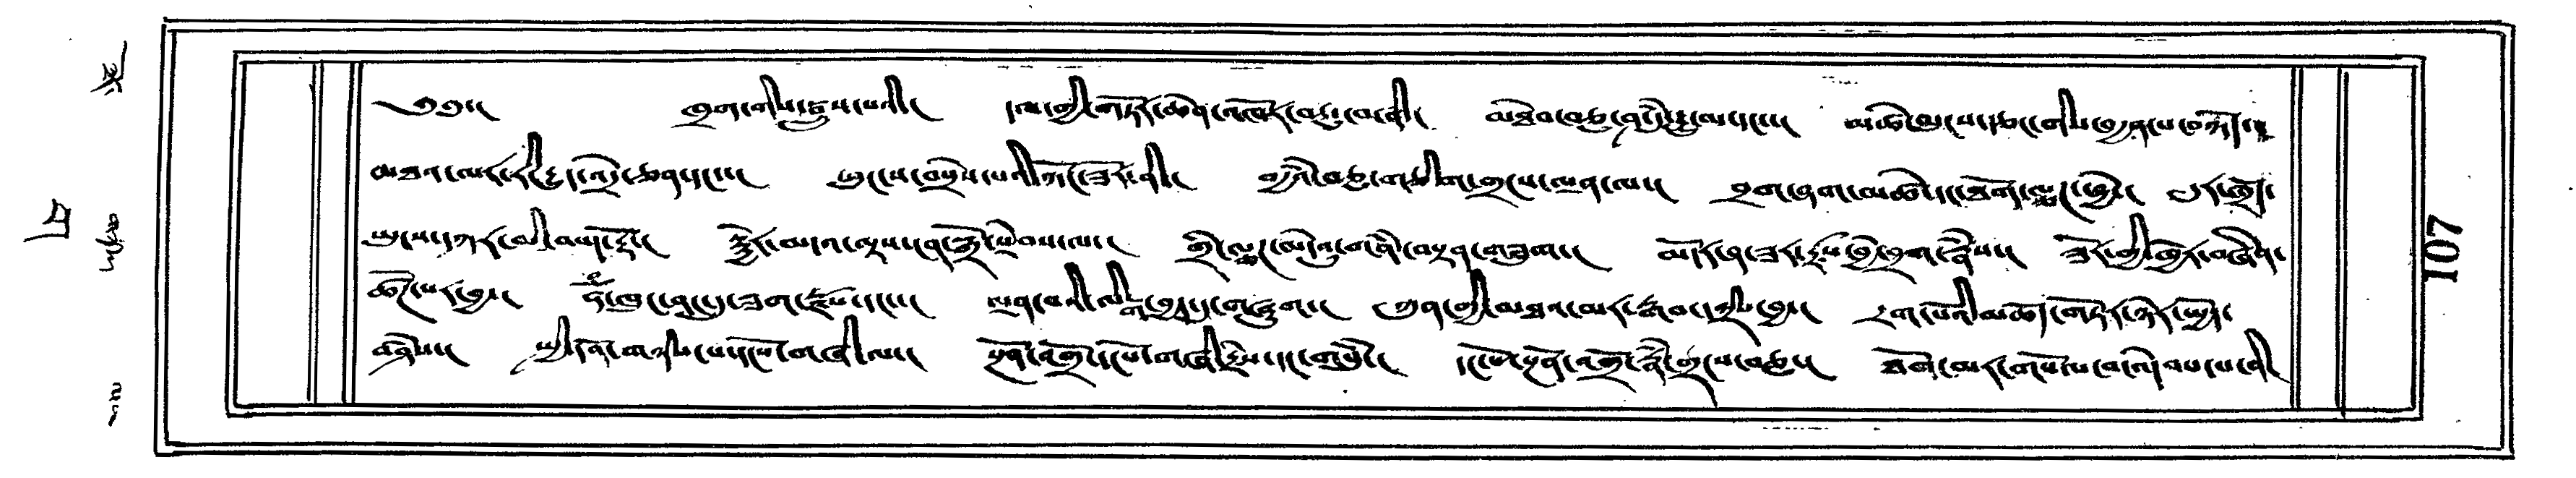ཁྲག་གིས་སྦྲུས་པའི། །དཔལ་གྱི་གཏོར་ཆེན་འཁོར་བཅུ་བཞི། །མཐེབ་ཀྱུ་ཤ་དུམ་རྒྱུ་མ་དང་། །མཚེ་ཡུངས་རྩང་གིས་བརྒྱན་པ་བཀོད། །
མཐའ་མར་རི་རྒྱུད་འདྲེ་ཅན་དང་། །ཕུང་ས་བསྲེས་པའི་ཀོང་ཟོར་ནི། །བརྒྱ་ཚོ་བཅུ་གཅིག་གྲངས་ལྡན་ལ། །བྲག་ནག་མཚེ་དང་ཐོག་ལྕགས་ཕྱེ། །དུར་ཁྲོད་
ཡུངས་ཀར་མི་བསད་རྡོ། །སྐྱེར་མདའ་ལྟས་ངན་སྒྲོ་བསྡེབས་ལ། །གྲི་ལྕགས་མདེའུ་གནམ་བསྟན་གཟུག །མདོར་ན་ཟོར་རྫས་བྱེ་བྲག་རྣམས། །ཟོར་གྱི་འཁོར་བཞིན
་ཚོགས་པར་བྱ། །ཧོམ་ཁུང་ནང་དུ་ཟག་རྫས་དང་། །ལྡན་བའི་ལིང་ག་བྱད་དུ་གཞུག །ཀུན་གྱི་མཐའ་མར་རྒབ་དཀྲིས་བྱ། །དྲག་པོའི་མཆོད་གཏོར་ཉེར་སྤྱོད་
བཤམས། །སྤྱི་དོན་གཉིས་པ་དངོས་གཞི་ལས། །སྔོན་འགྲོ་དངོས་གཞི་རྗེས་དང་གསུམ། །དང་པོ་སྔོན་འགྲོ་རྣམ་གྲངས་བཅུ། ཐོག་མར་གསོལ་བ་འདེབས་པ་ནི།